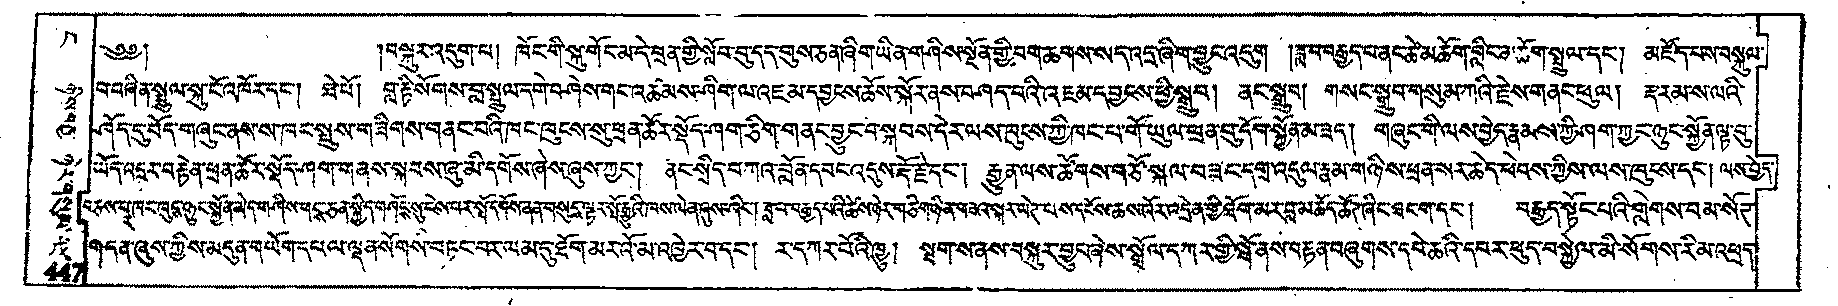༄༅། །བསྐུར་འདུག་པ། ཁོང་གི་སྐུ་གོང་མ་དེ་ཕྲན་གྱི་སློབ་བུ་དད་གུས་ཅན་ཞིག་ཡིན་གཤིས་སྔོན་གྱི་བག་ཆགས་སད་འདྲ་ཞིག་བྱུང་འདུག །ཟླ་བ་བརྒྱད་པ་ནང་ཚེ་མཆོག་གླིང་མཆོག་སྤྲུལ་དང་། མཛོད་པས་བསྐུལ་
བ་བཞིན་སྤྲུལ་སྐུ་ངོ་འཁོར་དང་། ཐེ་པོ། བླ་རྟི་སོགས་བླ་སྤྲུལ་དགེ་བཤེས་གང་འཚམས་ཤིག་ལ་འཇམ་དབྱངས་ཆོས་སྐོར་ནས་བཤད་པའི་འཇམ་དབྱངས་ཕྱི་སྒྲུབ། ནང་སྒྲུབ། གསང་སྒྲུབ་གསུམ་ཀའི་རྗེས་གནང་ཕུལ། རྡ་རམ་ས་ལའི་
ཤོད་དུ་བོད་གཞུང་ནས་ས་ཁང་སྤུས་གཟིགས་གནང་བའི་ཁང་ཁུངས་སུ་ཕྲན་ཚོར་སྡོད་ཤག་ཅིག་གནང་བྱུང་བ་སྐབས་དེར་ལས་ཁུངས་ཀྱི་ཁང་པ་གོ་ཡུལ་ཕྲན་བུ་དོག་སྐྱོན་མ་ཟད། གཞུང་གི་ལས་བྱེད་རྣམས་ཀྱི་ཤག་ཀྱང་ཉུང་སྐྱོན་ལྟ་བུ་
ཡོད་འདྲར་བརྟེན་ཕྲན་ཚོར་སྡོད་ཤག་གནས་སྐབས་ཞུ་མི་དགོས་ཞེས་ཞུས་ཀྱང་། ནང་སྲིད་བཀའ་བློན་དབང་འདུས་རྡོ་རྗེ་དང་། རྒྱུན་ལས་ཚོགས་གཙོ་སྐལ་བཟང་དགྲ་འདུལ་རྣམ་གཉིས་ཕྲན་སར་ཆེད་ཕེབས་ཀྱིས་ལས་ཁུངས་དང་། ལས་བྱེད་
བཅས་པར་ཁང་ཁུངས་ཉུང་སྐྱོན་མེད་གཤིས་གངས་ཅན་སྐྱིད་གཤོངས་སུ་ངེས་པར་སྤོ་དགོས་ནན་གསུངས་ལྟར་སྤོ་རྒྱུའི་ཁས་ལེན་ཞུས་ཤིང་། ཟླ་བ་བརྒྱད་པའི་ཚེས་ཉེར་གཅིག་ཉིན་གཟའ་སྐར་ལེགས་པས་དངོས་ཆས་འོར་འདྲེན་གྱི་ཐོག་མར་བླ་མཆོད་ཚོགས་ཞིང་ཐང་ག་དང་། བརྒྱད་སྟོང་པའི་གླེགས་བམ་སོགས་
གདན་ཞུས་ཀྱིས་མདུན་གཡོག་དཔལ་ལྡན་སོགས་བཏང་བར་ལམ་དུ་ཐོག་མར་འོ་མ་འཁྱེར་བ་དང་། ར་དཀར་པོའི་ཁྱུ། སྦག་ས་ནས་བསྐུར་བྱུང་ཞེས་སྒྲོལ་དཀར་གྱི་སྒོ་ནས་བརྟན་བཞུགས་དཔེ་ཆའི་དཔར་ཕུད་བསྐྱེལ་མི་སོགས་རིམ་འཕྲད་